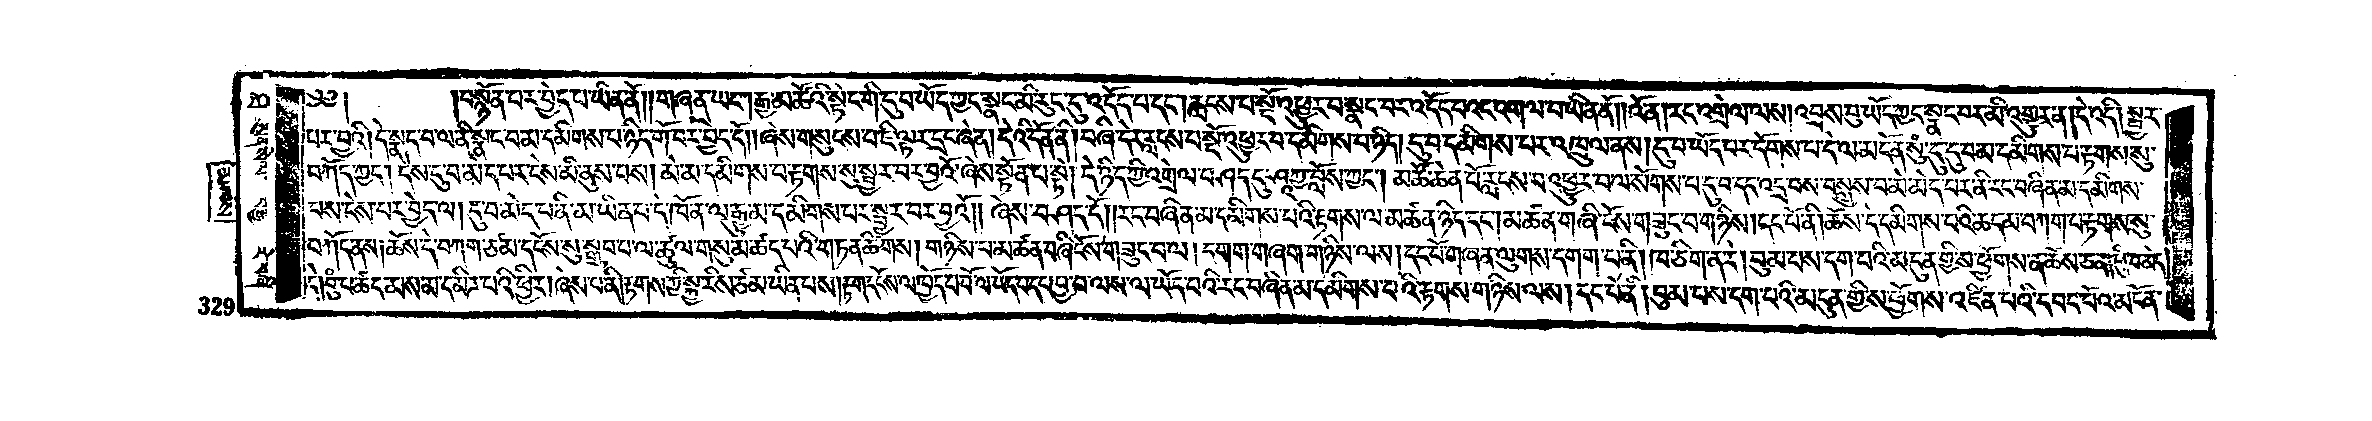༄༅། །བསྙོན་པར་བྱེད་པ་ཡིན་ནོ། །གཞན་ཡང་། རྒྱ་མཚོའི་སྟེང་གི་དུ་བ་ཡོད་ཀྱང་སྣང་མི་རུང་དུ་འདོད་པ་དང་། རླངས་པ་སྔོ་འཕྱུར་བ་སྣང་བར་འདོད་པའང་འགལ་བ་ཡིན་ནོ། །འོ་ན། རང་འགྲེལ་ལས། འབྲས་བུ་ཡོད་ཀྱང་སྣང་བར་མི་འགྱུར་ན། དེ་འདི། སྦྱར་
བར་བྱའོ། དེ་སྣང་བ་ལ་ནི་སྣང་བ་མ་དམིགས་པ་ཉིད་གོ་བར་བྱེད་དོ། །ཞེས་གསུངས་པ་ཇི་ལྟར་དྲང་ཞེ་ན། དེའི་དོན་ནི། བཞི་དེར་རླངས་པ་སྔོ་འཕྱུར་བ་དམིགས་པ་ཉིད། དུ་བ་དམིགས་པར་འཁྲུལ་ནས། དུ་བ་ཡོད་པར་དོགས་པ་དེ་ལ་མངོན་སུཾ་དུ་དུ་བ་མ་དམིགས་པ་རྟགས་སུ་
བཀོད་ཀྱང་། དེས་དུ་བ་མེད་པར་ངེས་མི་ནུས་པས། མེ་མ་དམིགས་པ་རྟགས་སུ་སྦྱར་བར་བྱའོ་ཞེས་སྟོན་པ་སྟེ། དེ་ཉིད་ཀྱི་འགྲེལ་བཤད་དུ་ཤཱཀྱ་བློས་ཀྱང་། མཚོ་ཆེན་པོ་རླངས་པ་འཕྱུར་བ་ལ་སོགས་པ་དུ་བ་དང་འདྲ་བས་བསླུས་པ་མེ་མེད་པར་ནི་རང་བཞིན་མ་དམིགས་
པས་ངེས་པར་བྱེད་ལ། དུ་བ་མེད་པ་ནི་མ་ཡིན་པ་དེ་ཁོ་ན་ལ་རྒྱུ་མ་དམིགས་པར་སྦྱར་བར་བྱའོ།། ཞེས་བཤད་དོ། །རང་བཞིན་མ་དམིགས་པའི་རྟགས་ལ་མཚན་ཉིད་དང་། མཚན་གཞི་ངོས་གཟུང་བ་གཉིས། དང་པོ་ནི། ཆོས་དེ་དམིགས་པའི་ཚད་མ་བཀག་པ་རྟགས་སུ་
བཀོད་ནས། ཆོས་དེ་བཀག་ཙམ་དངོས་སུ་སྒྲུབ་པ་ལ་ཚུལ་གསུམ་ཚང་བའི་གཏན་ཚིགས། གཉིས་པ་མཚན་གཞི་ངོས་གཟུང་བ་ལ། དགག་གཞག་གཉིས་ལས། དང་པོ་གཞན་ལུགས་དགག་པ་ནི། ཁ་ཅིག་ན་རེ། བུམ་པས་དག་པའི་མདུན་གྱི་ས་ཕྱོགས་ན་ཆོས་ཅན། དུ་བ་མེད་
དེ། བུཾ་པ་ཚད་མས་མ་དམིཌ་པའི་ཕྱིར། ཞེས་པ་ནི། རྟགས་ཀྱི་སྐྱ་རིས་ཙམ་ཡིན་པས། རྟག་དངོས་ལ་ཁྱོད་པ་པོ་ལ་ཡོད་པ་དང་། བྱ་བ་ལས་ལ་ཡོད་པའི་རང་བཞིན་མ་དམིགས་པའི་རྟགས་གཉིས་ལས། དང་པོ་ནི། བུམ་པས་དག་པའི་མདུན་གྱི་ས་ཕྱོགས་འཛིན་པའི་དབང་པོའི་མངོན་